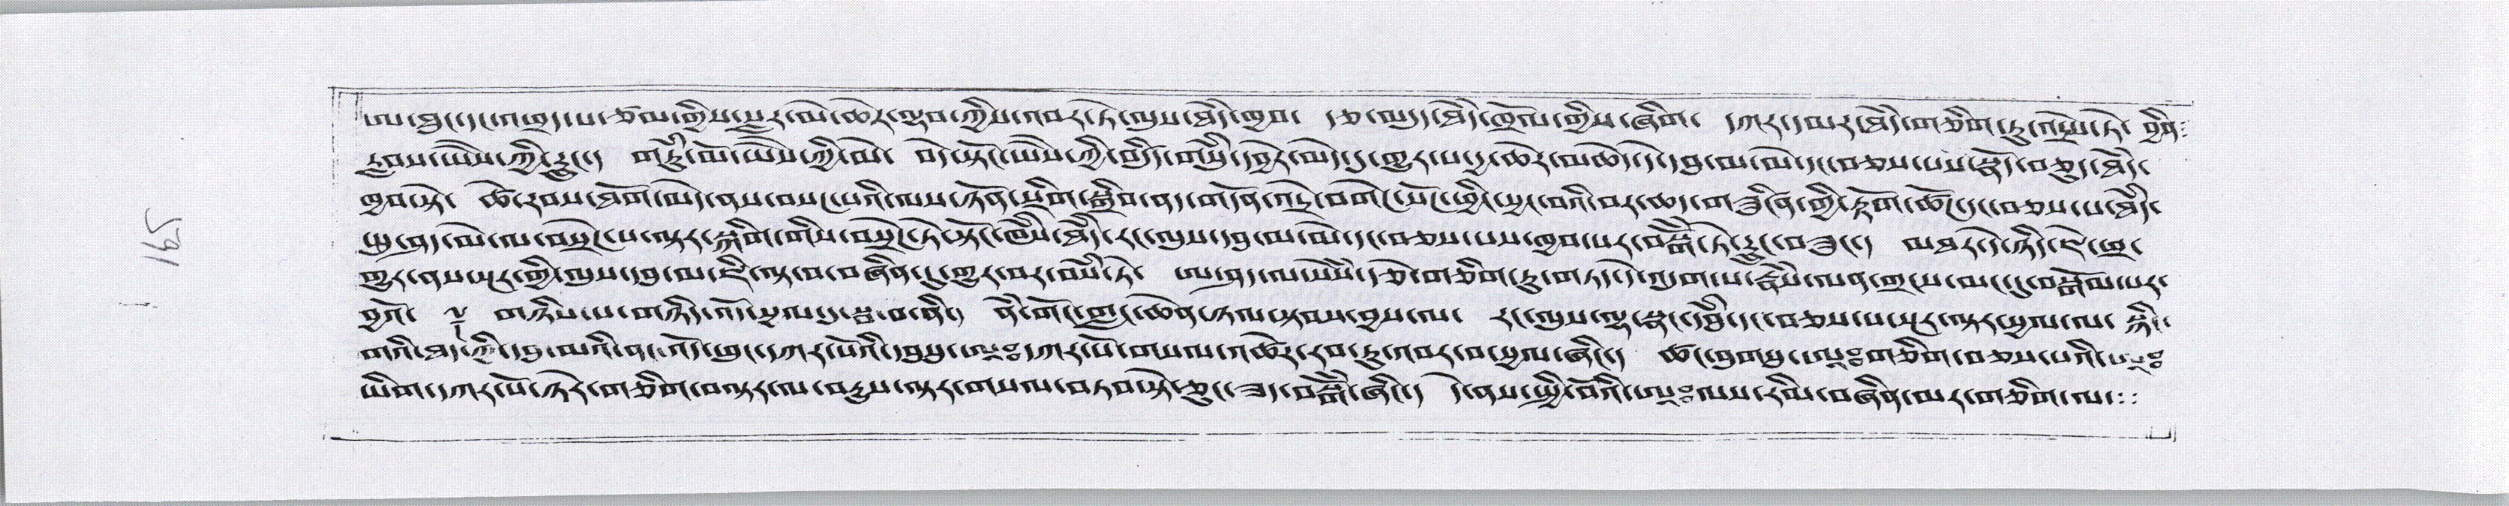ཨ་ཐུང་དང་འཕྲད་པ་ཙམ་གྱིས་སླར་མེ་ཆེར་ལྷབ་ཀྱིས་འབར་ཏེ་ལུས་ཐམས་ཅད་ཁྱབ། རྩ་མདུད་ཐམས་ཅད་ཁྲོལ་གྱིས་ཞིག དཀར་དམར་ཐམས་ཅད་གཅིག་ཏུ་འདྲེས་ཏེ། བྱིན་
རླབས་ཡེ་ཤེས་ཀྱི་རླུང་། གཏུམ་མོ་ཡེ་ཤེས་ཀྱི་མེ། བདེ་སྟོང་ཡེ་ཤེས་ཀྱི་བདུད་རྩི་གསུམ་དབྱེར་མེད་དུ་གྱུར་པ་རྒྱ་ཆེར་མཆེད་དེ་དབུ་མ་མེ་དང་བཅས་པས་སྣོད་བཅུད་ཐམས་ཅད་
ཁྱབ་སྟེ། ཚེ་རབས་ཐོག་མེད་ནས་བསགས་པའི་ལས་ཉོན་སྡིག་སྒྲིབ་ནད་གདོན་འདྲེ་བགེགས་སོགས་ཕྱི་ནང་གསང་བའི་བར་ཆད་གཟུང་འཛིན་གྱི་རྟོག་ཚོགས་དང་བཅས་པ་ཐམས་ཅད་
སྤུ་ཤད་མེ་ལ་བསྲེགས་པ་ལྟར། སྐད་ཅིག་གིས་བསྲེགས་ཏེ་སྟོང་ཁམས་ཐམས་ཅད་རང་ལུས་དབུ་མ་མེ་དང་བཅས་པས་ཁྱབ་པར་བསྒོམ་ཏེ་རླུང་བཟུང་། མཐར་དེ་ཉིད་ཇེ་ཕྲ་
གྱུར་ནས་སྔར་གྱི་ལུས་དབུ་མ་ཇི་ལྟ་བ་བཞིན་དུ་གྱུར་པར་བསམ་སྟེ། ཨ་ཤད་ལ་སེམས་རྩེ་གཅིག་ཏུ་གཏད་དེ་འདུག་པ་རྣམས་ལན་གྲངས་མང་དུ་བསྒོམ་པར་
བྱའོ།། གཉིས་པ་འོད་གསལ་དུ་སྦ་བ་ནི། ནམ་གུང་གླང་ཆེན་ཉལ་སྟབས་བྱས་ལ། རང་ལུས་ལྷ་སྣང་འབུམ་དང་བཅས་པ་སྔར་ལྟར་གསལ་ལ། སྙིང་
གའི་ཐད་ཀྱི་དབུ་མའི་ནང་འོད་ཕུང་དཀར་པོའི་དབུས་སུ་ཨཿདཀར་པོ་གསལ་འཚེར་རབ་ཏུ་འབར་བ་གསལ་ཞིང་། ཚངས་བུག་ཏུ་ཨཱཿགཅིག་བཅས་པའི་ཨཱཿ
ཡིག་དཀར་པོ་ཉེར་གཅིག་བསྟར་ལ་བརྒྱུས་ལྟར་གསལ་བཏབ་སྟེ་ཅུང་ཟད་བསྒོམ་ཞིང་། དེ་ནས་སྤྱི་བོིའི་ཨཱཿལས་རིམ་བཞིན་མར་གཅིག་ལ་